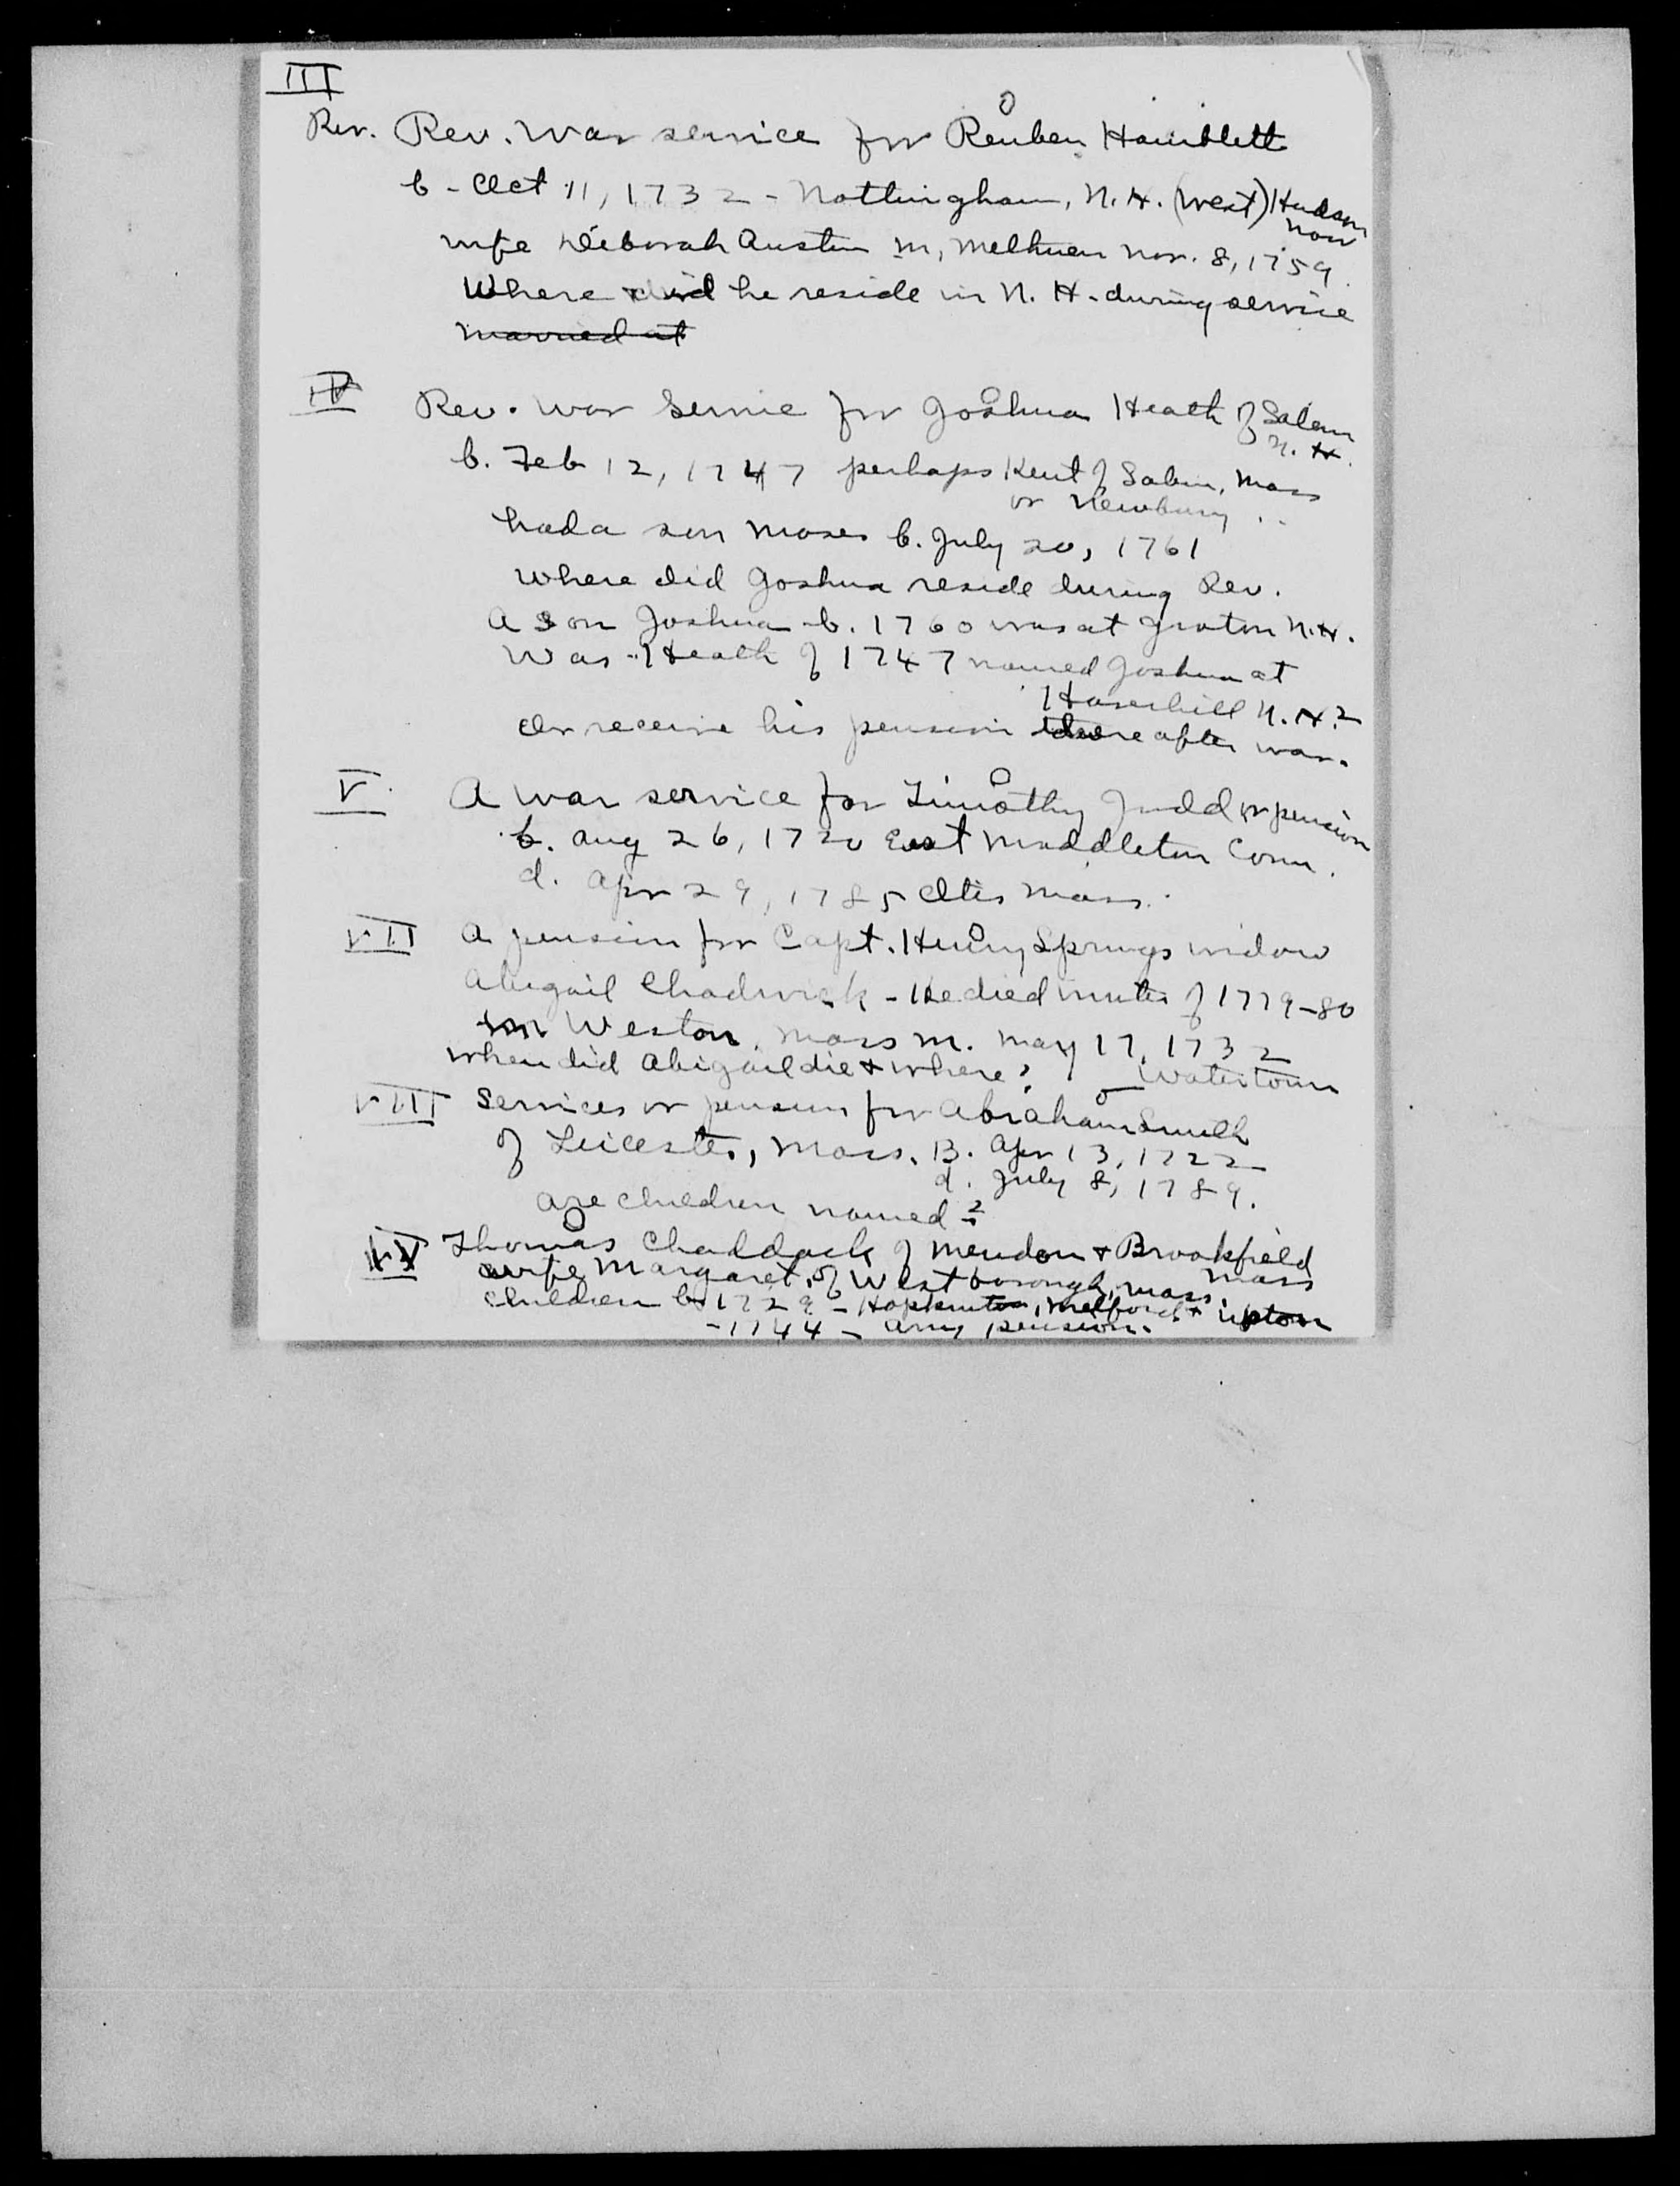III

Rev. Rev. War service for Reuben Haurblett
b - Oct 11, 1732 - Nottingham, N.H. (west) Hudson now
wife Deborah Austin  m. Melhuen Nov. 8, 1759
Where did he reside in N.H. during service
["married at" stricken out]

IV  
Rev. War Service for Joshua Heath of Salem N.H.
b.  Feb 12, 1747  perhaps Kent of Salem, Mass or Newbury Mass
had a son Moses  b. July 20, 1761
Where did Joshua reside during Rev.
A son Joshua b. 1760 was at Groton N.H.
Was Heath of 1747 named Joshua at Haverhill N.H.?
Or receive his pension there after war.

V.  A war service for Timothy Judd in pension
b.  Aug 26, 1720  East Middleton Conn.
d.  Apr 29, 1785  cltis  Mass.

VII  A pension for Capt. Henry Springs widow
Abigail Chadwick--He died winter of 1779-80 
in Weston, Mass   m.  May 17, 1732
When did Abigail die & where?

VIII  Services in pension for Abraham Smith
of Leicester, Mass.  B.  Apr 13, 1722
d.  July 8, 1789.

IX  Thomas Chaddock of Mendon & Brookfield Mass
wife Margaret of Westborough, Mass.
children b.  1729--Hopkinton, Medford & Upton
1744--any pension.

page: 13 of 14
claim: survivor's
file: S. 22943, for Asa Putney, New Hampshire